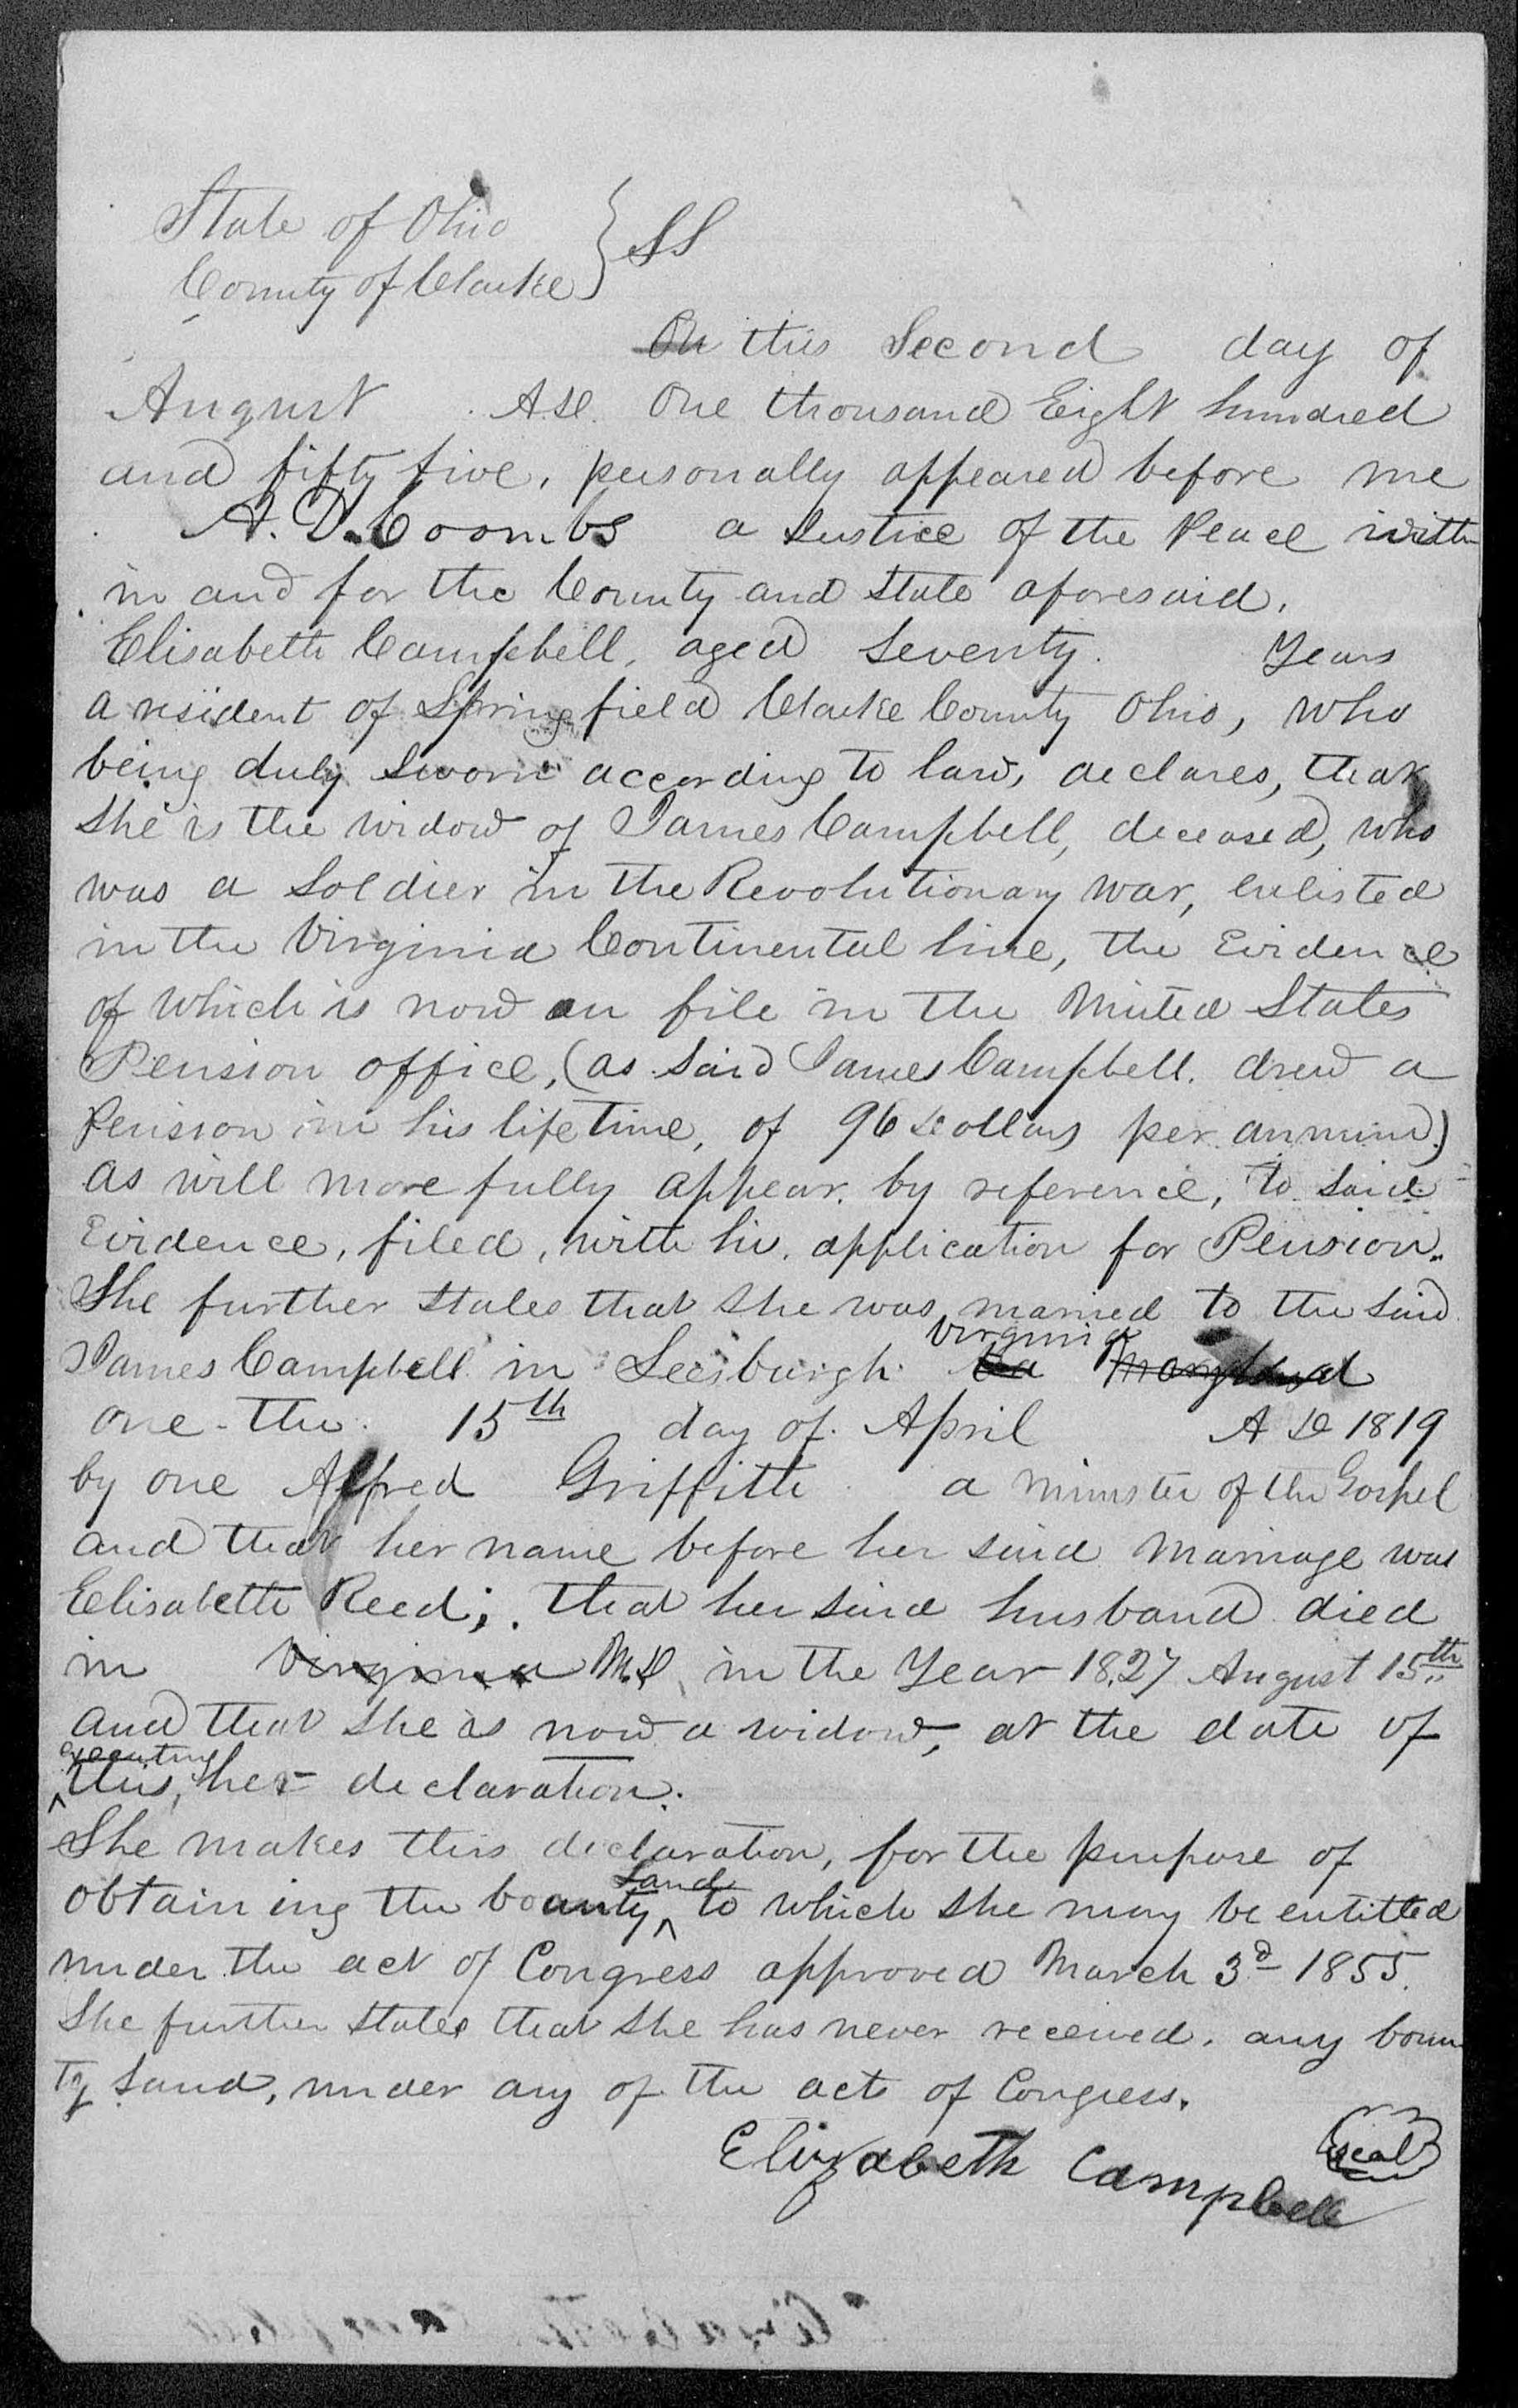State of Ohio}
County of Clarke} SS
On this Second day of August A.D. One thousand Eight hundred and fifty five, personally appeared before me A. C. Coombs a Justice of the Peace within and for the County and State aforesaid. Elisabeth Campbell, aged Seventy Years a resident of Springfield Clarke County Ohio, who being duly Sworn according to law, declares, that She is the widow of James Campbell, deceased, who was a soldier in the Revolutionary war, enlisted in the Virginia Continental line, the Evidence of which is now in file in the United States Pension office, (as said James Campbell, drew a Pension in his lifetime, of 96 Dollars per annum.) as will more fully appear by reference to said evidence, filed, with his application for Pension. She further states that she was married to the said James Campbell in Leesburgh Virginia (in Maryland crossed out) on the 15th day of April AD 1819 by one Alfred Griffith a minister of the Gospel and that her name before her said marriage was Elisabeth Reed; that her said husband died in (Virginia crossed out) M.D. in the year 1827 August 15th and that she is now a widow, at the date of ^executing this, her declaration. 
She makes this declaration, for the purpose of obtaining the bounty ^Land to which she may be entitled under the act of Congress approved March 3d 1855. She further states that she has never received any bounty land, under any of the acts of Congress.
Elizabeth Campbell Seal (circled)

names: James Campbell, Elisabeth Reed, Elisabeth Campbell, A D Coombs, Elizabeth Campbell, Alfred Griffith, James Campbell, James Campbell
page: 17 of 47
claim: widow's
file: W. 25384, James Campbell, Va.